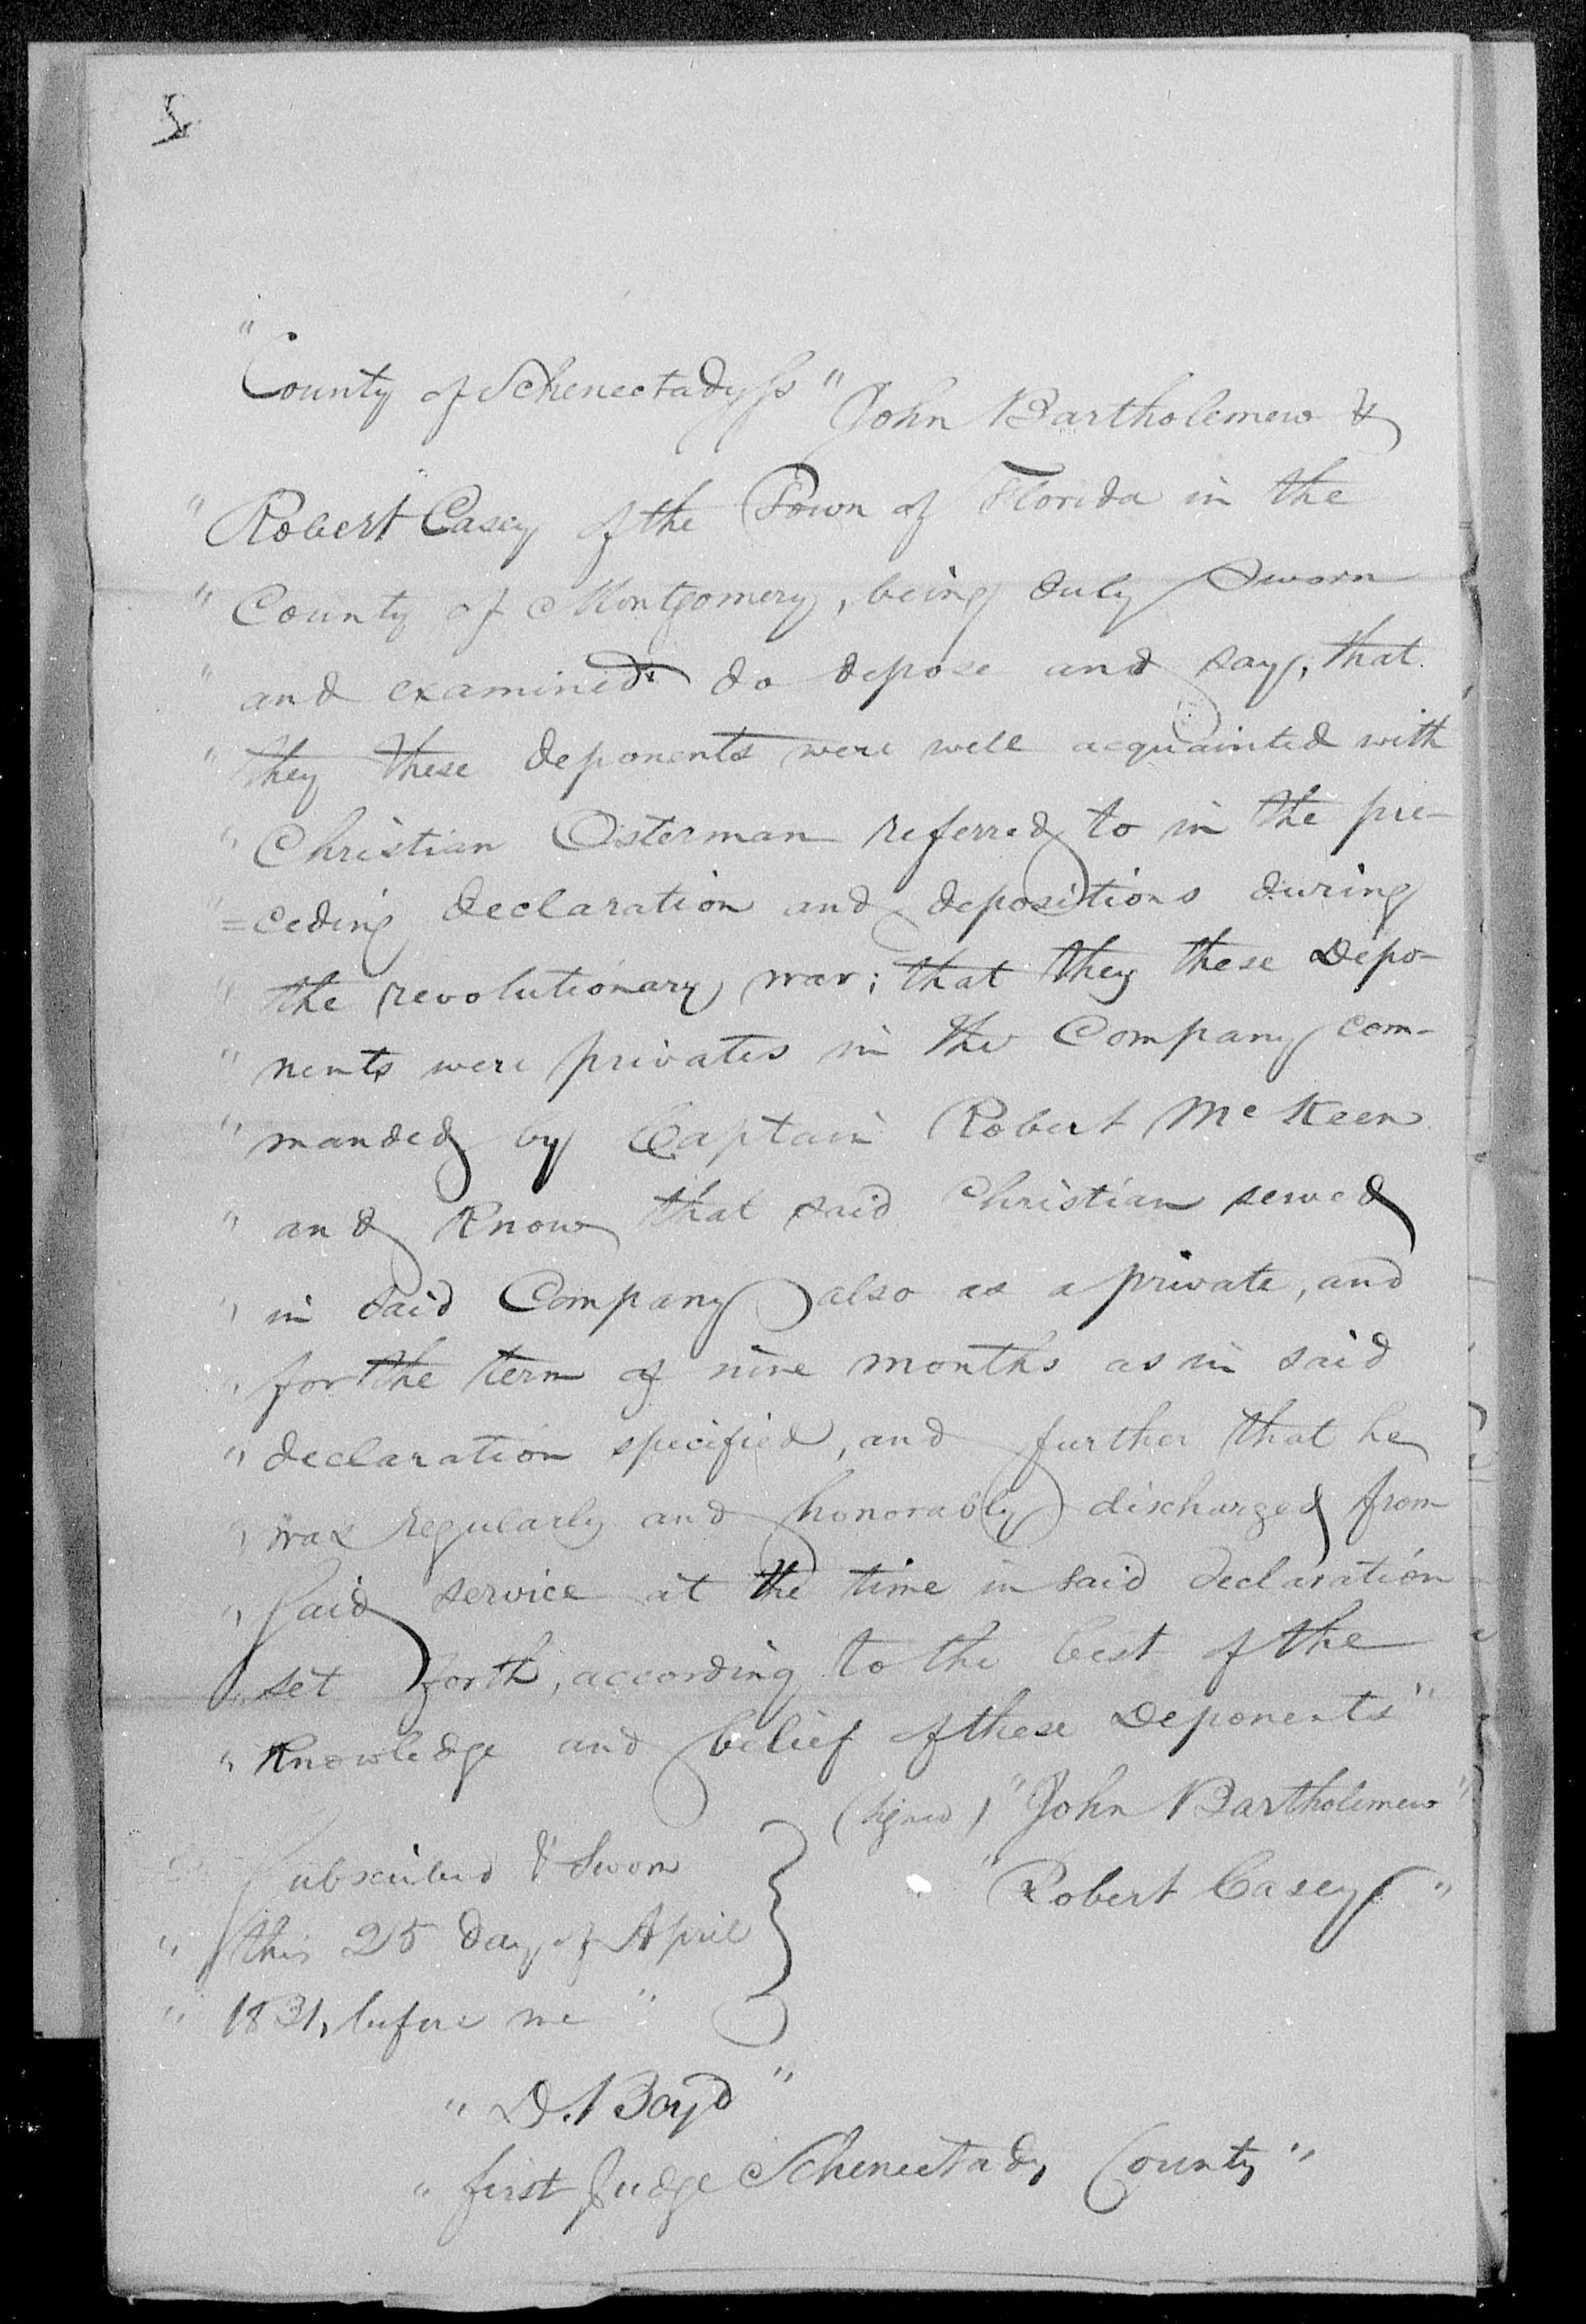County of Schenectady ss
John Bartholomew & Robert Casey of the Town of Florida in the County of Montgomery, being duly sworn and examined do depose and say that they these deponents were well acquainted with Christian Osterman referred to in the preceding declaration and depositions during the revolutionary war; that they these deponents were privates in the company commanded by Captain Robert McKeen and know that said Christian served in said Company also as a private, and for the term of nine months as in said declaration specified and further that he was regularly and honorably discharged from said service at the time in said declaration set forth and belief of these deponents. 
(Signed) John Bartholomew
Robert Casey
Subscribed & Sworn
this 25 day of April 
1831, before me

D Boyd
first Judge Schenectady County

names: John Bartholemew; Christian Osterman; Robert Mc Keen; Robert Casey; D Boyd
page: 26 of 40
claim: widow's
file: W. 21876, for Christian Osterman, New York